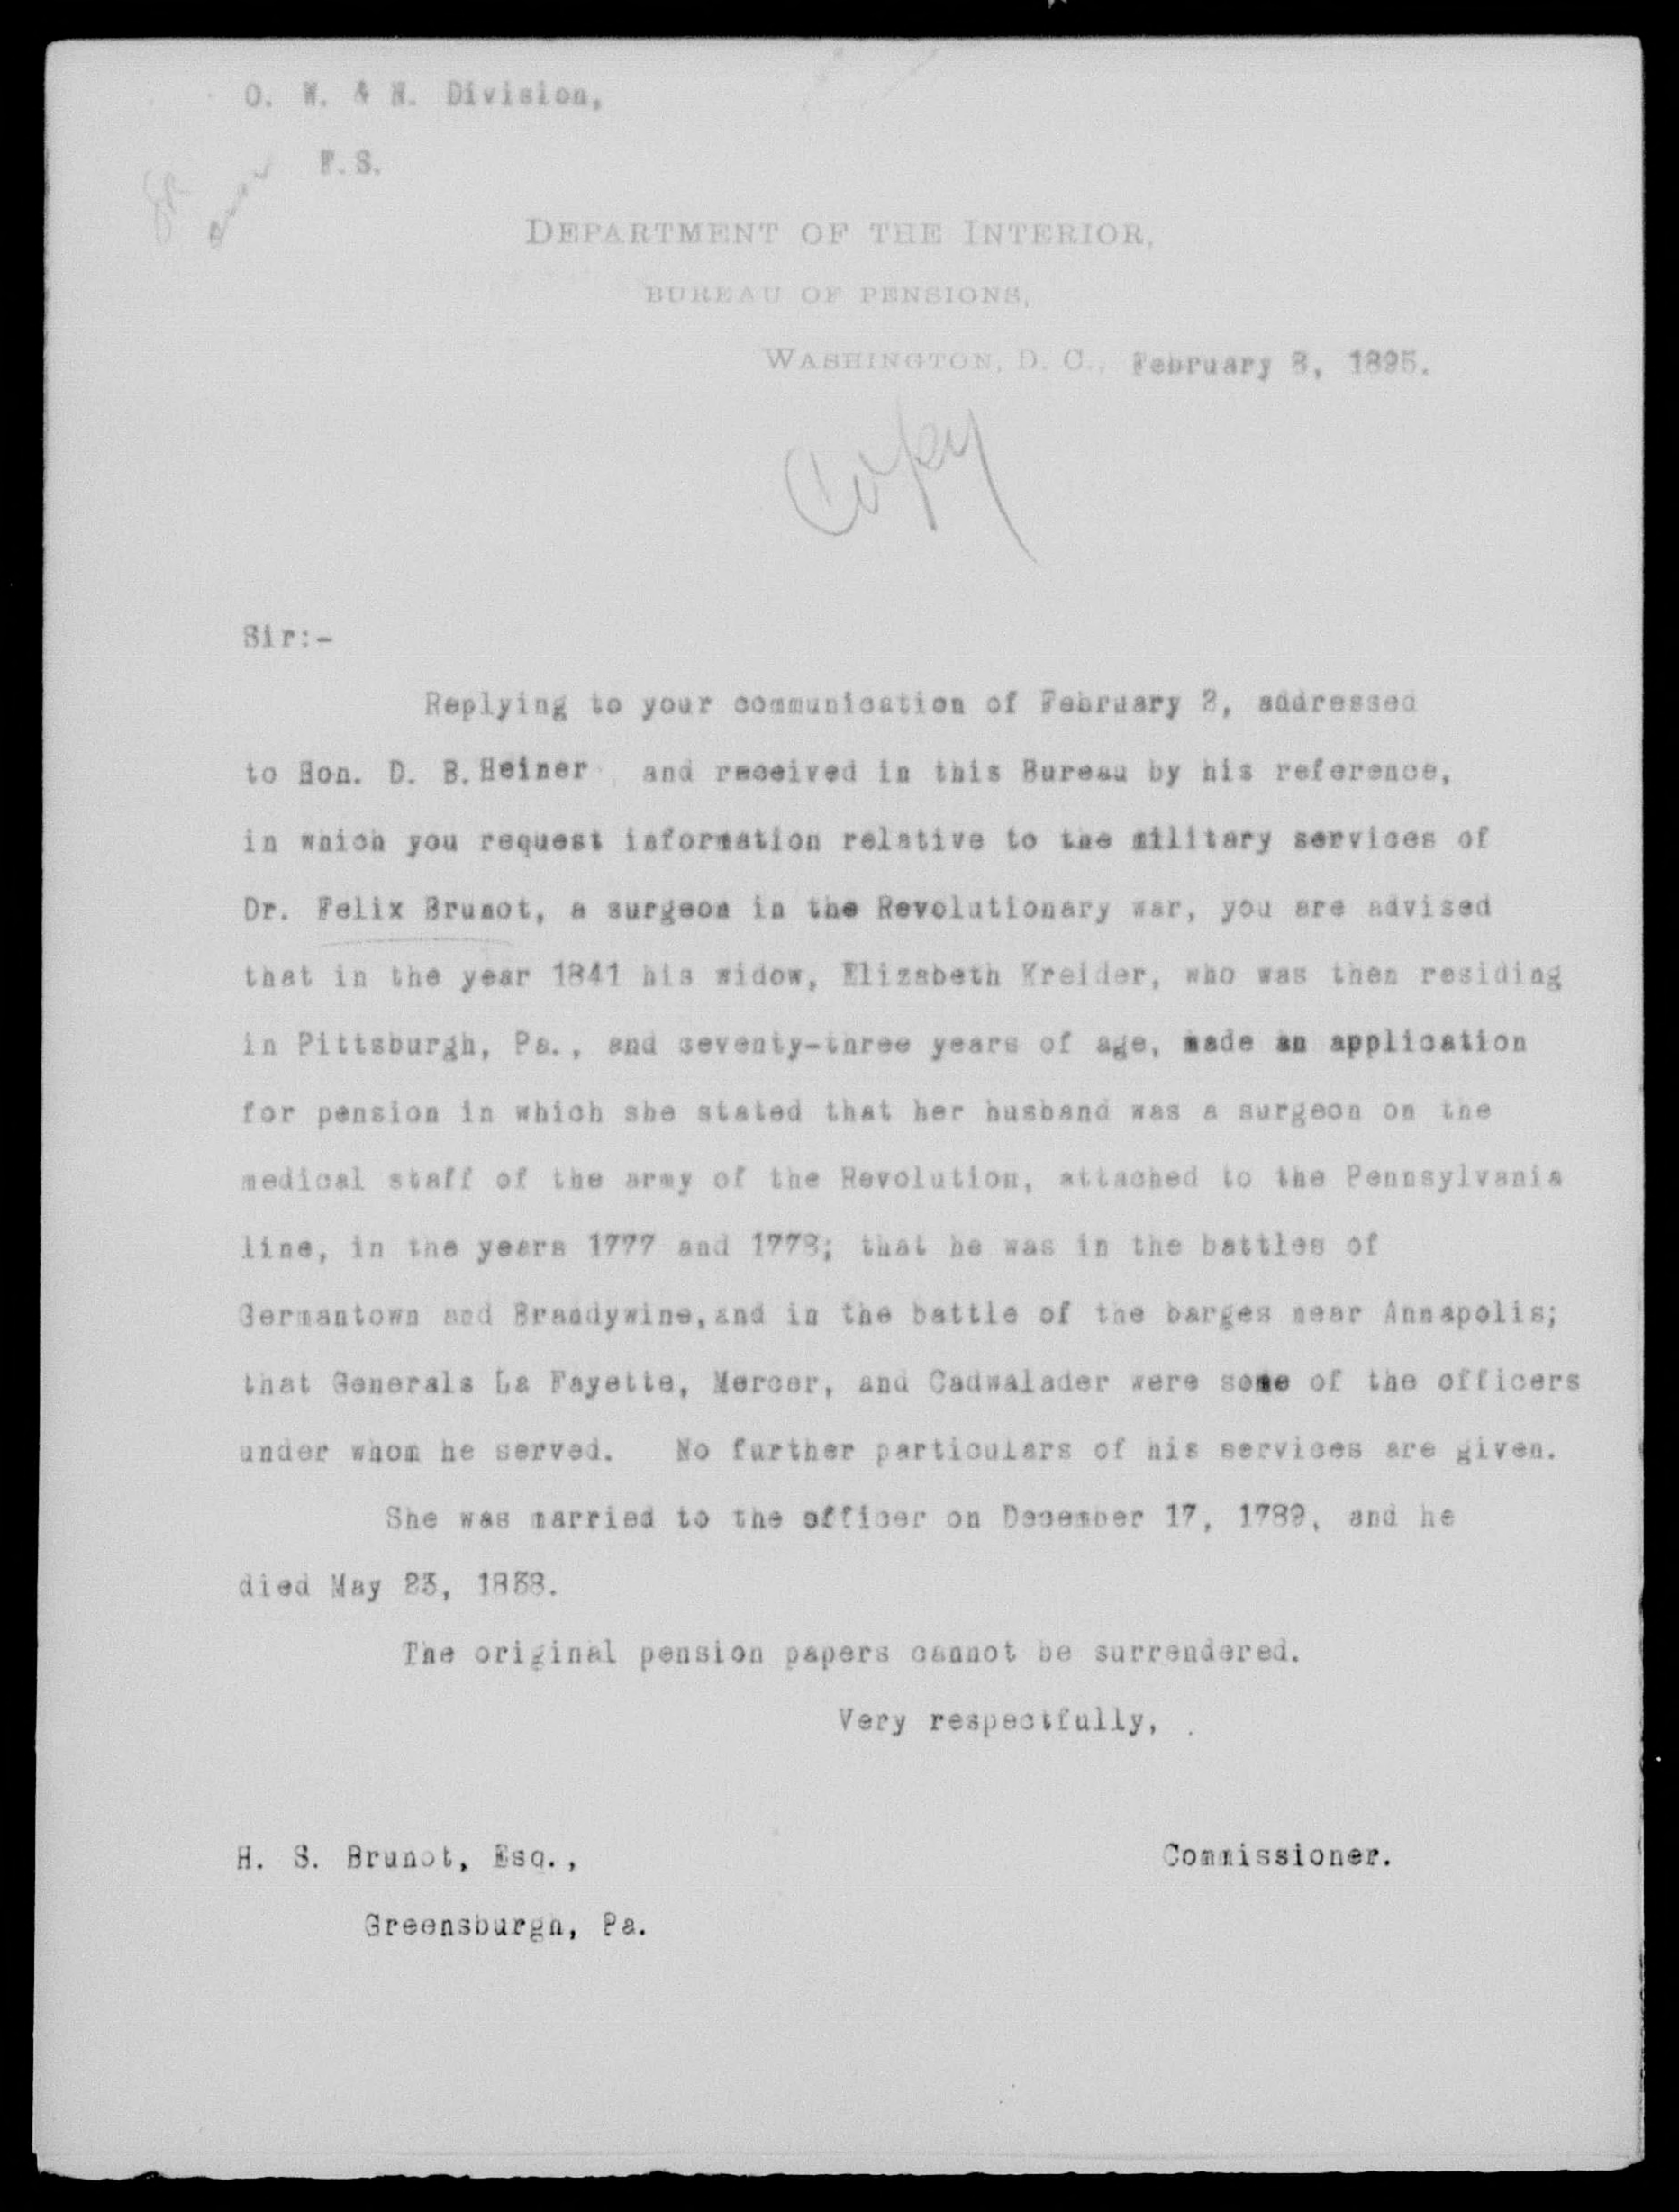O. W. & N. Division,
F.S.
DEPARTMENT OF THE INTERIOR,
BUREAU OF PENSIONS,
WASHINGTON, D.C.,   February 8, 1895
 Copy

Sir:-
    Replying to your communication of February 2, addressed to Hon. D. B. Heiner and received in this Bureau by his reference, in which you request information relative to the military services of Dr. Felix Bruno, a surgeon in the Revolutionary war, you are advised that in the year 1841 his widow, Elizabeth Kreider, who was then residing in Pittsburgh, Pa., and seventy-three years of age, made an application for pension in which she stated that her husband was a surgeon on the medical staff of the army of the Revolution, attached to the Pennsylvania line, in the years 1777 and 1778; that he was in the battles of Germantown and Brandywine, and in the battle of the barges near Annapolis; that Generals La Fayette, Mercer, and Cadwalader were some of the officers under whom he served.  No further particulars of his services are given.
    She was married to the officer on December 17, 1789, and he died May 23, 1838.
    The original pension papers cannot be surrendered.
       Very respectfully,
H. S. Brunot, Esq., 
Greensburgh, Pa.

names: D B Heiner, Felix Brunot, H S Brunot, La Fayette, Elizabeth Kreider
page: 11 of 34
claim: rejected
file: R. 1371, Felix Brunot, Penn.